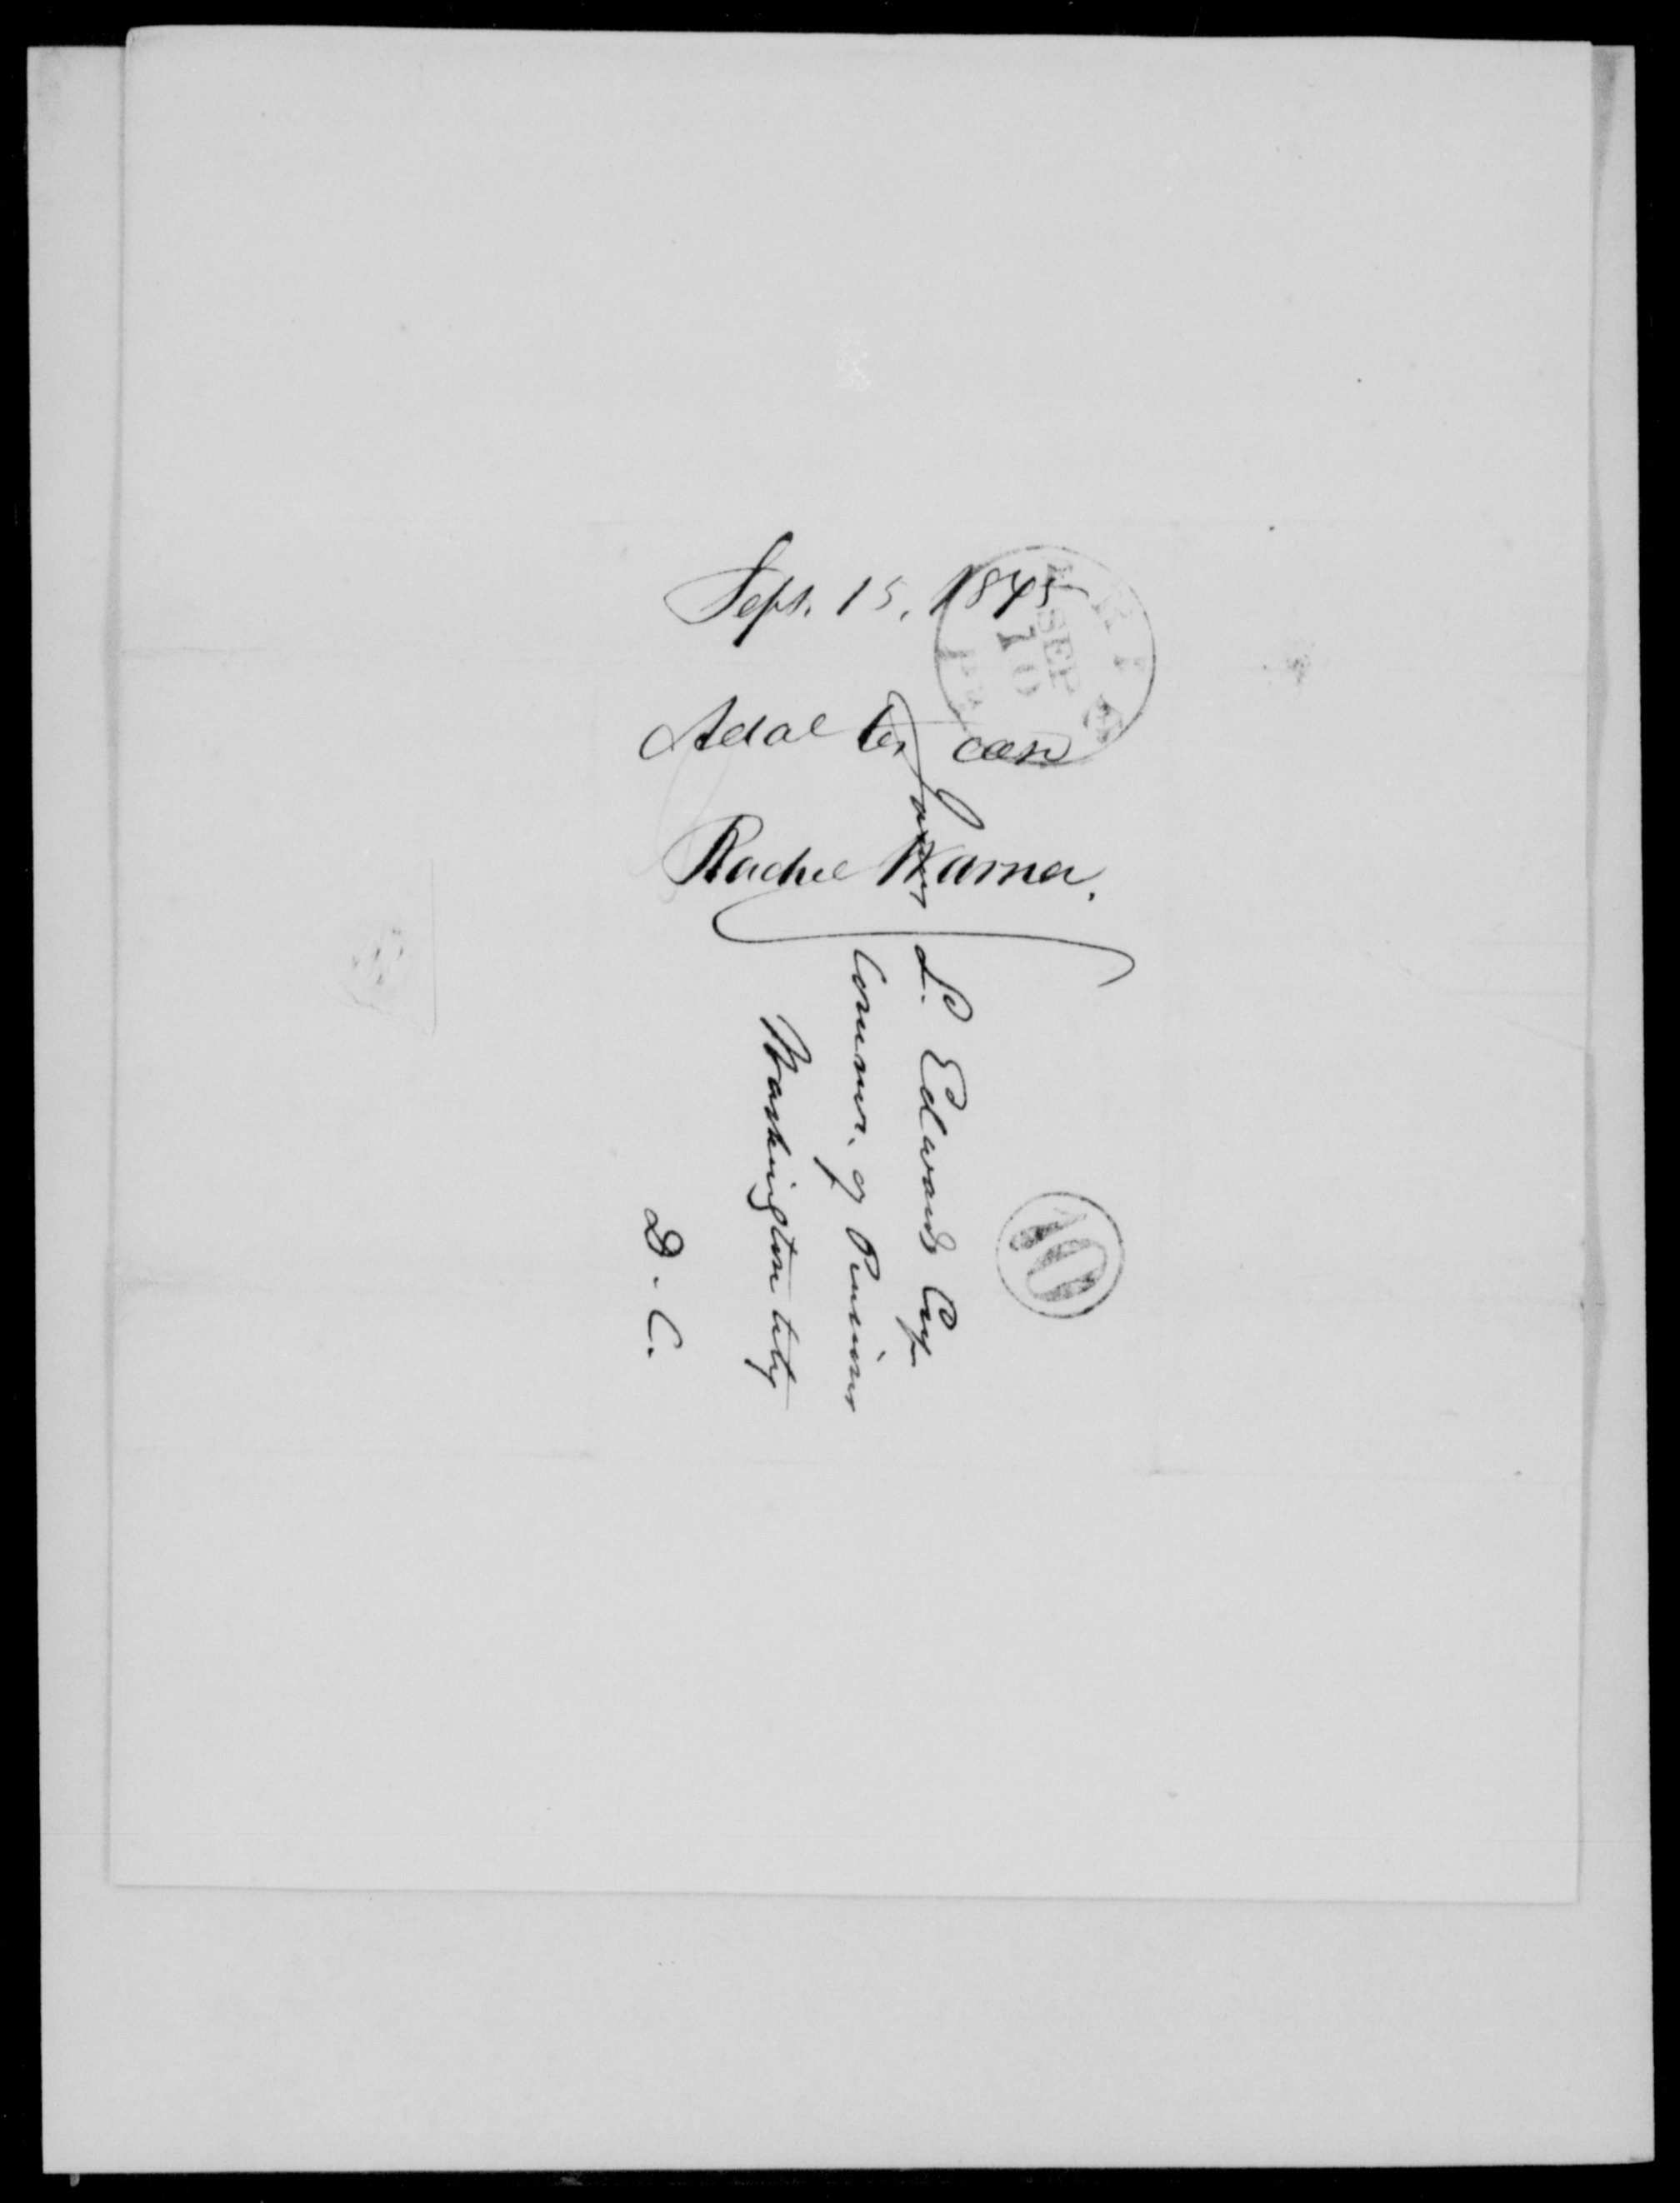Sept 15, 1845
Additional to case
Rachel Warner.

[stamp]
10

James L. Edwards Esquire.
Commissioner of Pensions
Washington City
D. C.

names: Rachel Warner, James L Edwards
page: 27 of 40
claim: widow's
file: W. 3742, Moses Warner, Conn.